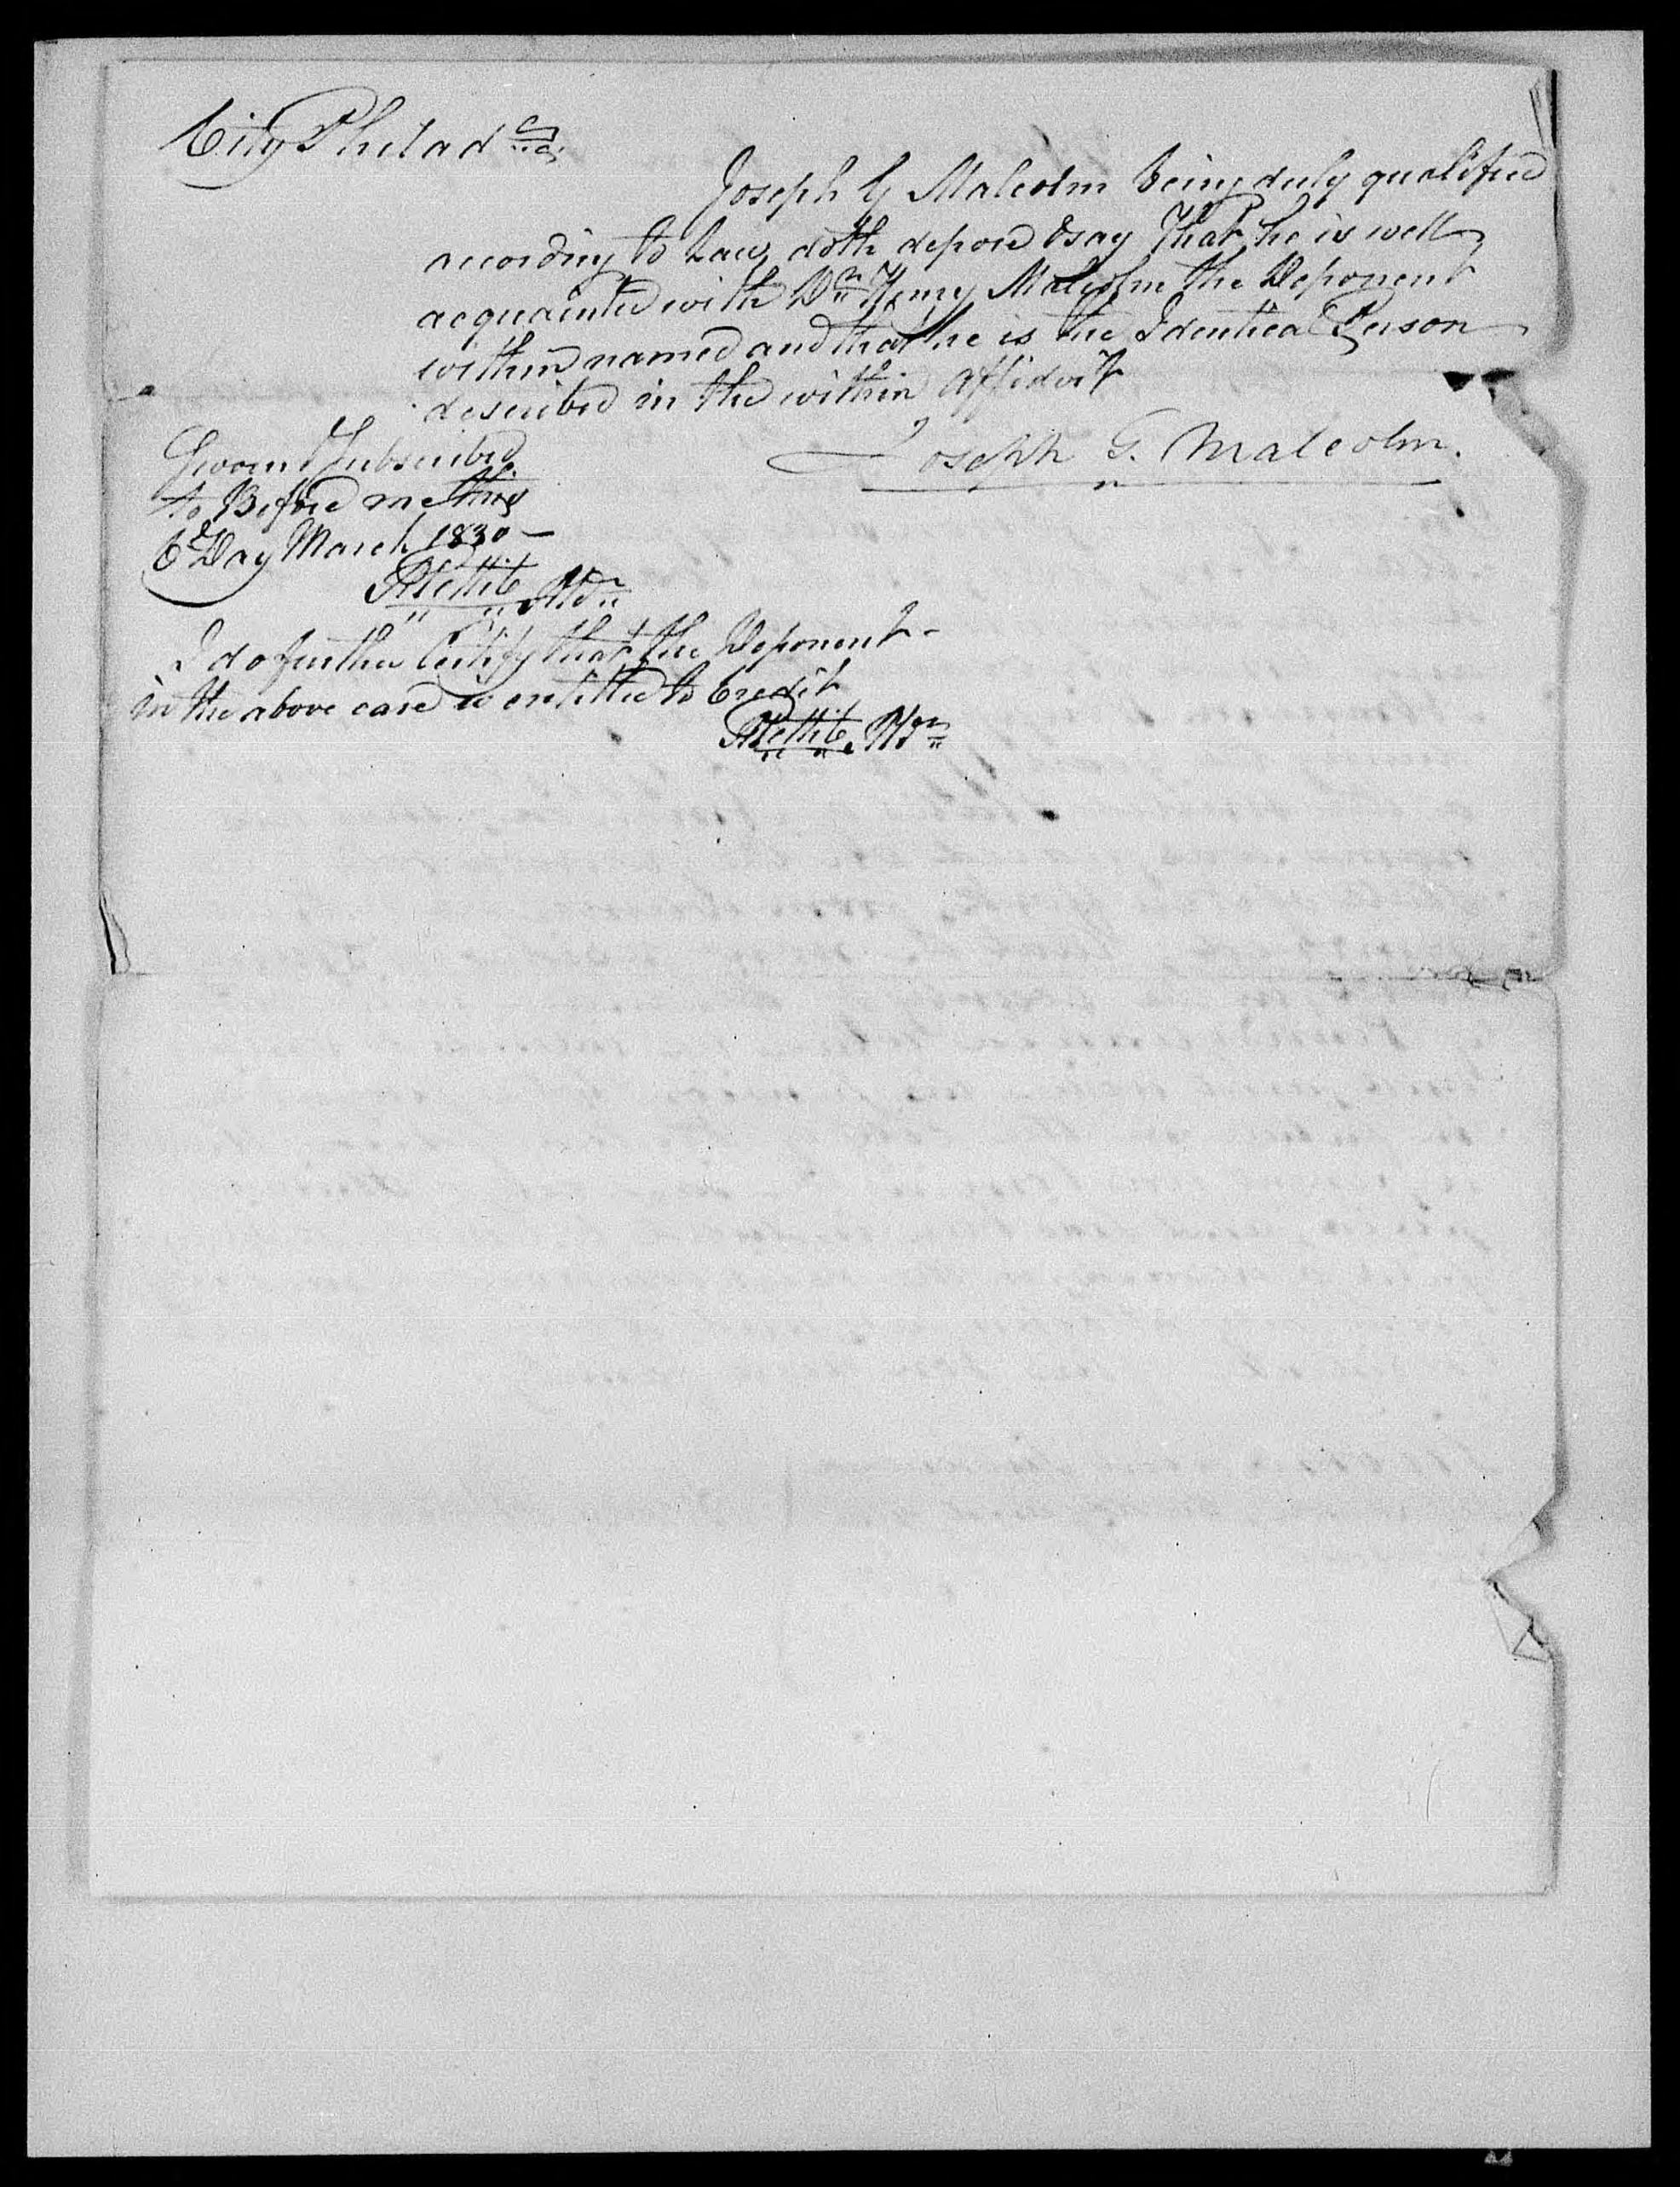City Philada.
Joseph G Malcolm being duly qualified according to law, doth depose & say that he is well acquainted with Dr Henry Malcolm the Deponent within named and that he is the Identical person described in the within affidavit
Joseph G. Malcolm
Sworn & Subscribed to Before me this 6th Day March 1830-
A Pettit A Dr.

I do further certify that the deponent in the above case to entitled to Credit
A Pettit [illegible]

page: 25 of 28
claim: survivor's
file: S. 5,048, for Henry Malcolm